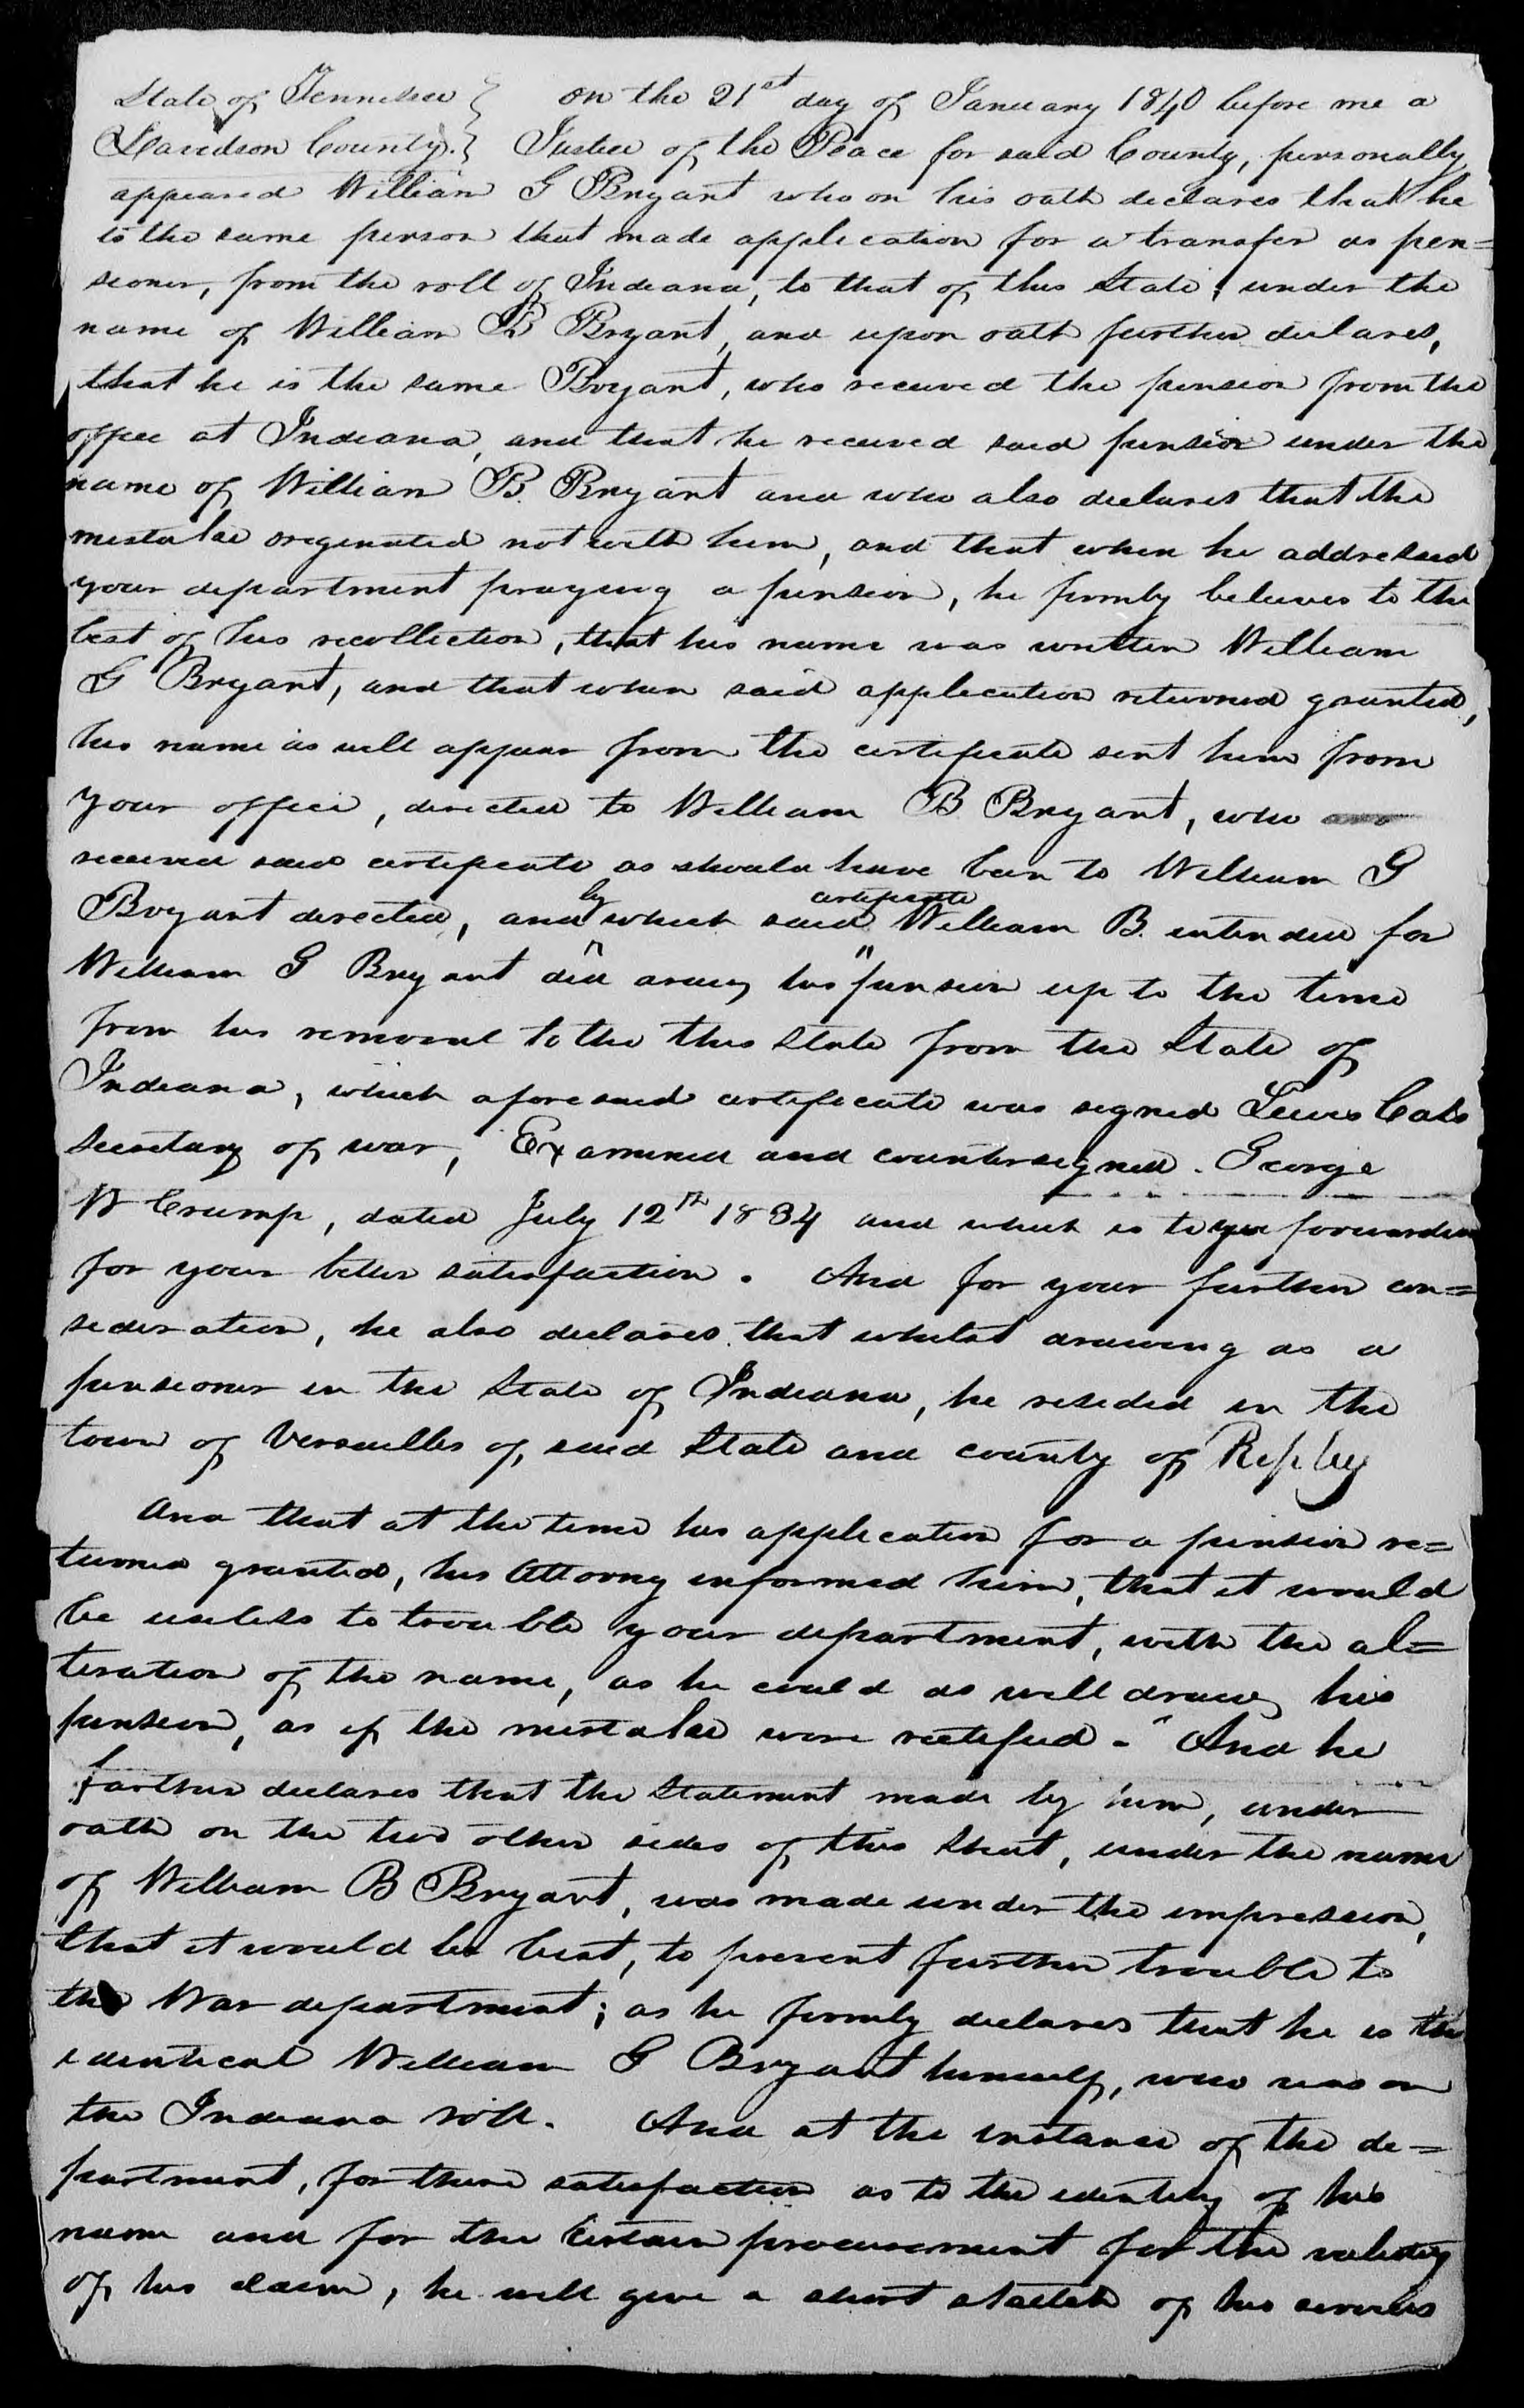State of Tennessee
Davidson County

On the 21st day of January 1840 before me a Justice of the Peace for said County, personally appeared William G. Bryant who on his oath declares that he is the same person that made application for a transfer as pensioner, from the roll on Indiana, to that of this State, under the name of William B. Bryant, and upon oath further declares, that he is the same Bryant, who received the pension from the office at Indiana, and that he received said pension under the name of William B. Bryant and who also declares that the mistake originated not with him, and that when he addressed your department praying a pension, he firmly believes to the best of his recollection, that his name was written William G. Bryant, and that when said application returned granted, his name as well appears from the certificate sent him from your office, directed to William B. Bryant who received said certificate as should have been to William G. Bryant directed, and by which said certificate William B. intended for William G. Bryant did [illegible] his pension up to the time from his removal to this state from the State of Indiana, which aforesaid certificate was signed Lewis Cass Secretary of War, Examined and countersigned George W. Crump, dated July 12th 1834 and which is to you forwarded for your better satisfaction.  And for your further consideration, he also declares that whilst drawing as a pensioner in the State of Indiana, he resided in the town of Versailles of said State and County of Ripley.
And that at the time his application for a pension returned granted, his attorney informed him, that it would be useless to trouble your department, with the alteration of the name, as he could as well draw his pension, as if the mistake was rectified.  And he further declares that the statement made by him, under oath on the two other sides of this sheet, under the name of William B. Bryant, was made under the impression that it would be best, to prevent further trouble to the War Department;  as he firmly declares that he is the identical William G. Bryant himself, who was on the Indiana roll.  And at the instance of the department, for their satisfaction as to the identity of his name and for the certain procurement for the validity of his claim, he will give a short sketch of his services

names: William B Bryant, William G Bryant, William G Bryant, William B Bryant, William B Bryant, William G Bryant, William B Bryant, William G Bryant, William B, Lewis, Bryant, George W Crump, William G Bryant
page: 11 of 31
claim: survivor's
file: S. 3049, William G Bryant, Va.